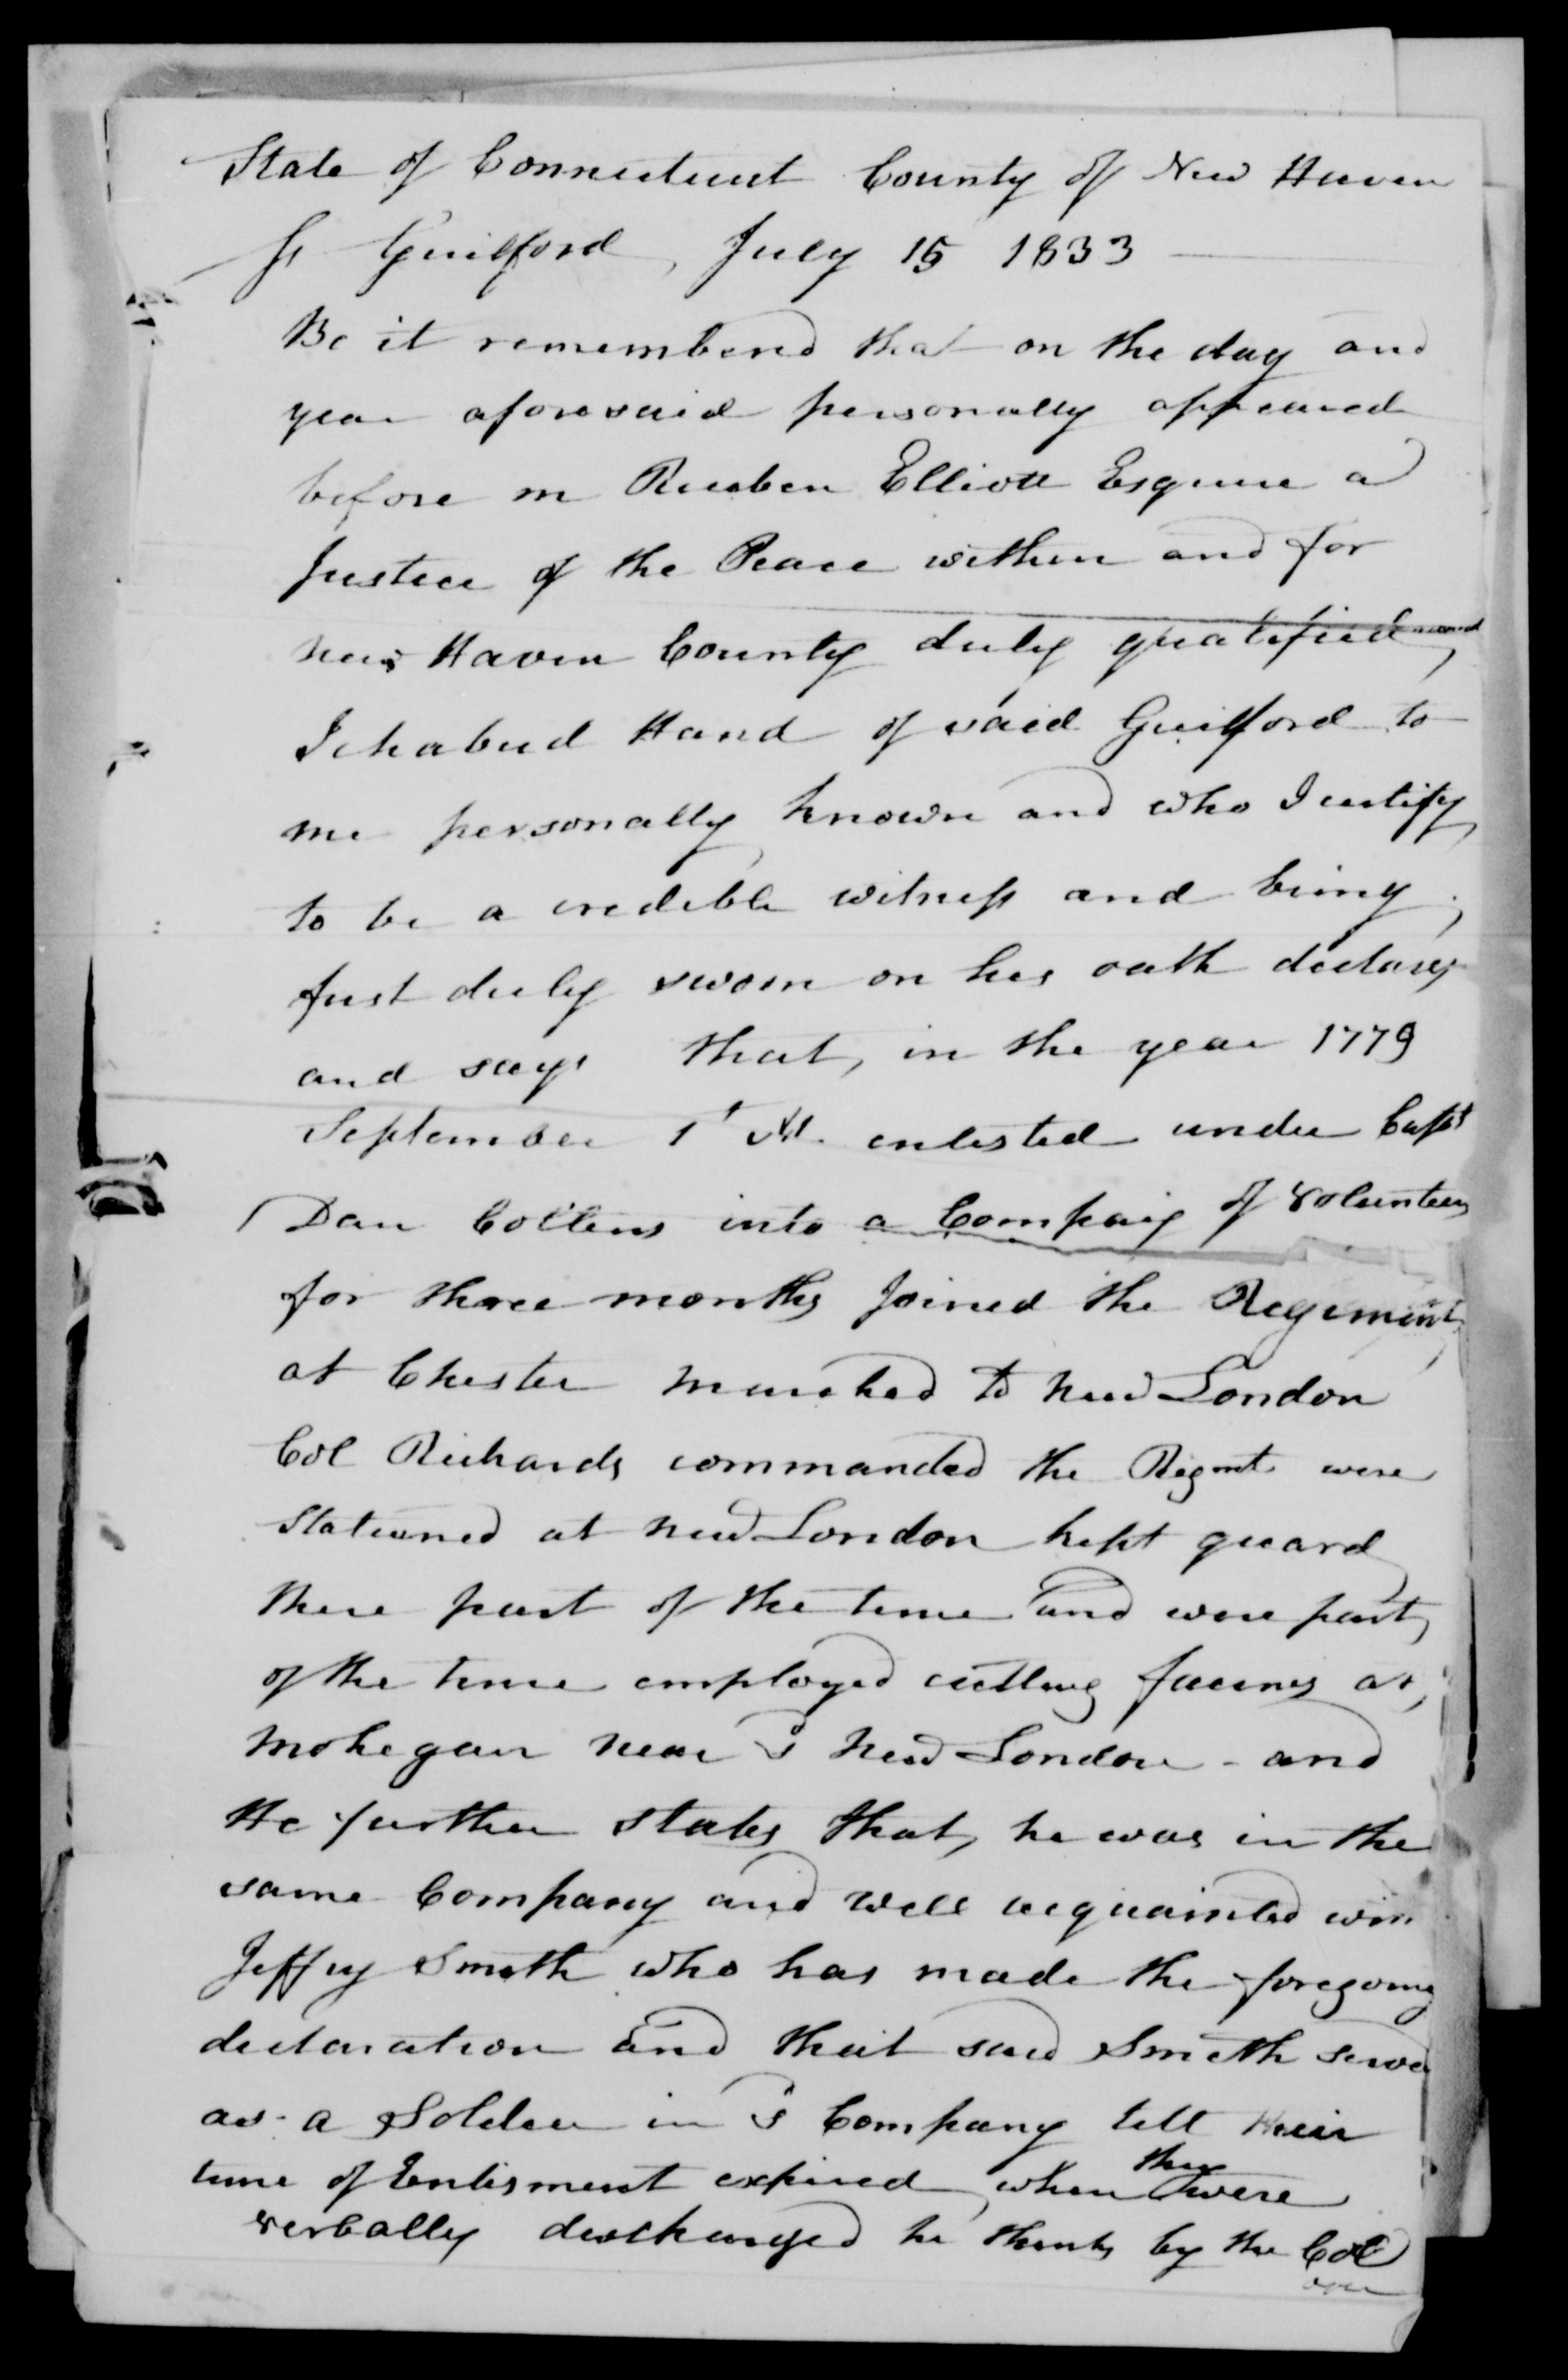State of Connecticut County of New Haven
Guilford, July 15 1833
-
Be it remembered that on the day and
year aforesaid personally appeared
before me Reuben Elliott Esquire a
Justice of the Peace within and for
New Haven County duly qualified,
Ichabod Hand of said Guilford to
me personally known and who I certify
to be a credible witness and being
first duly sworn on his oath declares
and says that, in the year 1779
September 1 he enlisted under Capt
Dan Collins into a Company of Volunteers
for three months joined the Regiment
at Chester marched to New London
Col Richards commanded the Regmnt were
stationed at New London kept guard
there part of the time and were part
of the time employed cutting farms at
Mohegan near New London and
He further states that he was in the
same Company and well acquainted with
Jeffery Smith who has made the foregoing
declaration and that said Smith served
as a Soldier in the Company till their
time of enlistment expired, when they were
verbally discharged he thinks by the Col
(over)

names: [BLANK] Smith; Dan Collins; [BLANK] Richards; Reuben Elliott; Jeffery Smith; Ichabud Hand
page: 14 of 19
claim: survivor's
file: S. 16250, for Jeffery Smith, Connecticut